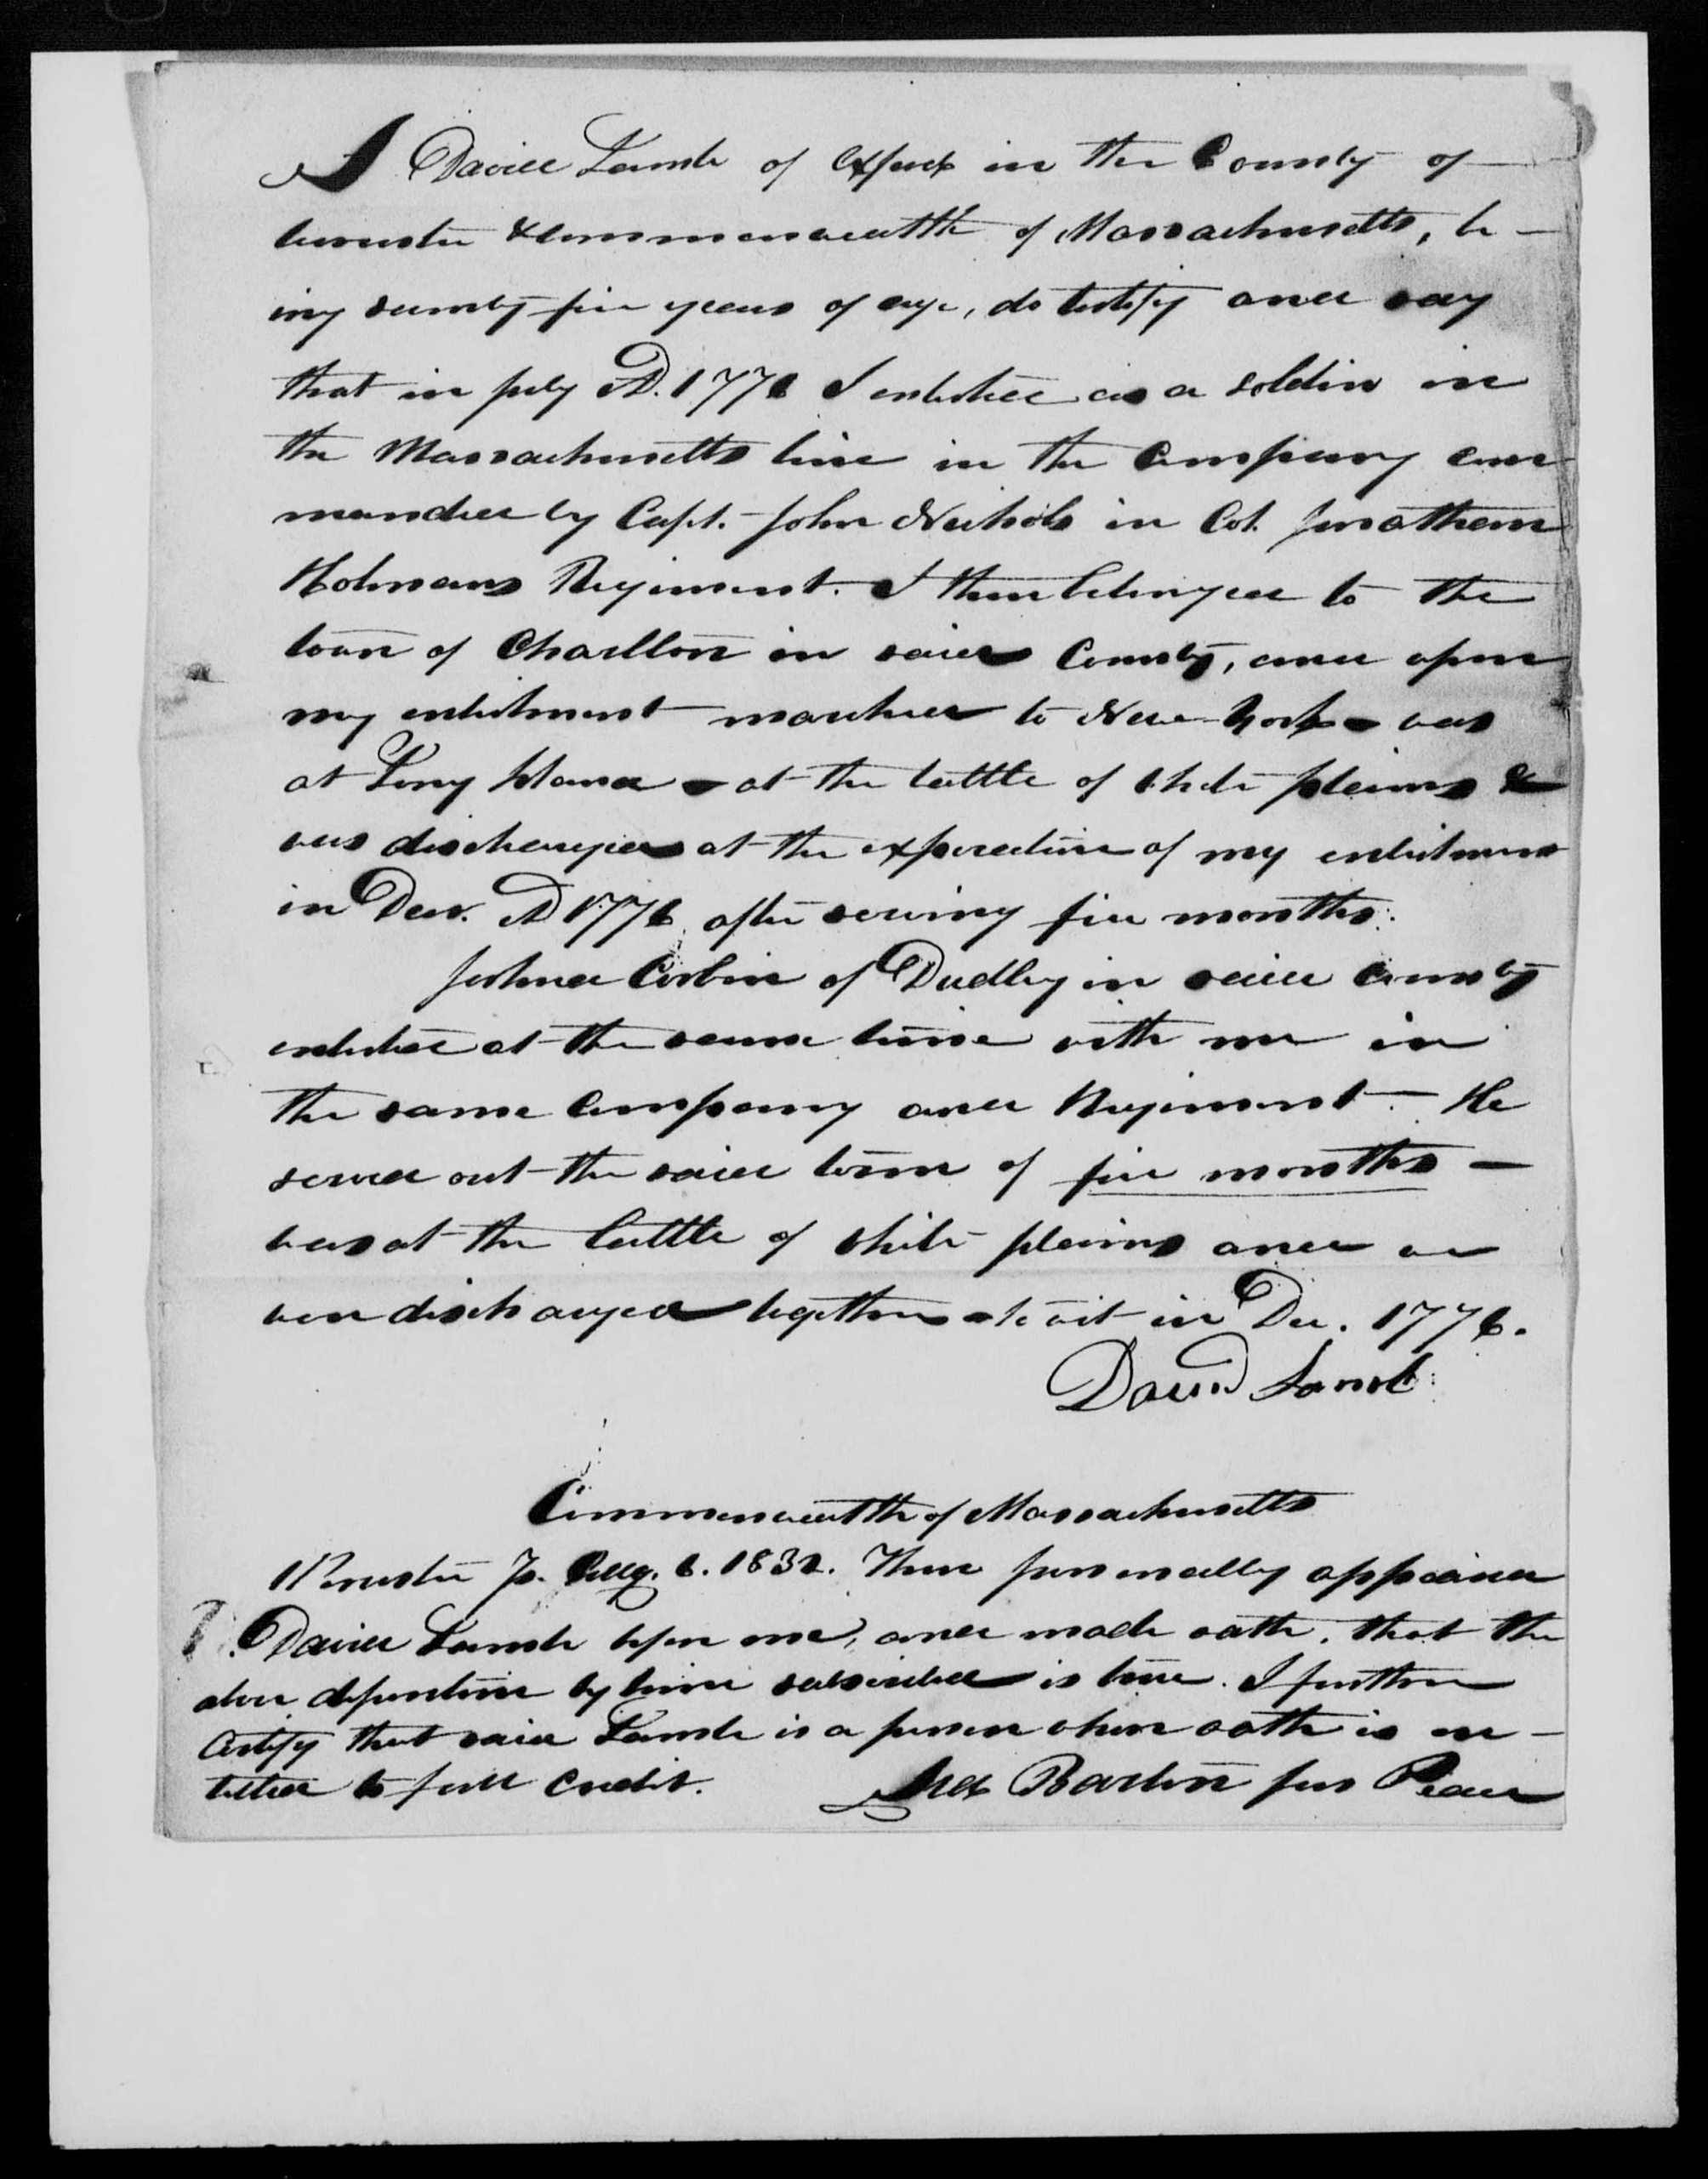I David Lamb of Oxford in the County of
Worcester & Commonwealth of Massachusetts, being twenty five years of age, do testify and say
that in July AD. 1776 I enlisted as a soldier in
the Massachusetts line in the Company and
commanded by Capt. John Nichols in Col. Jonathan Holmans Regiment. I then belonged to the town of Charlton in said County, and upon
my enlistment marched to New York was
at Long Island at the battle of white plains and
was discharged at the expiration of my enlistment in Decr. AD 1776 after serving five months.
John Corbin of Dudley in said County
enlisted the same time with me in the same company and Regiment. He served out the said term of five months - was at the battle of white -plains and we were discharged together - [illegible] in Dec. 1776.
David Lamb
Commonwealth of Massachusetts
Worcester Co. Aug. 6, 1832. Then personally appeared David Lamb for me, and made oath that the above disposition by him furnished is true. I further certify that said Lamb is a person whose oath is entitled to full credit.
Ira Barton Jus Peace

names: David Lamb, David Lamb, Joshua Corbin, Ira Barton, John Nichols, Lamb, David Lamb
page: 32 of 34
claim: survivor's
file: S. 12581, Joshua Corbin, Mass.